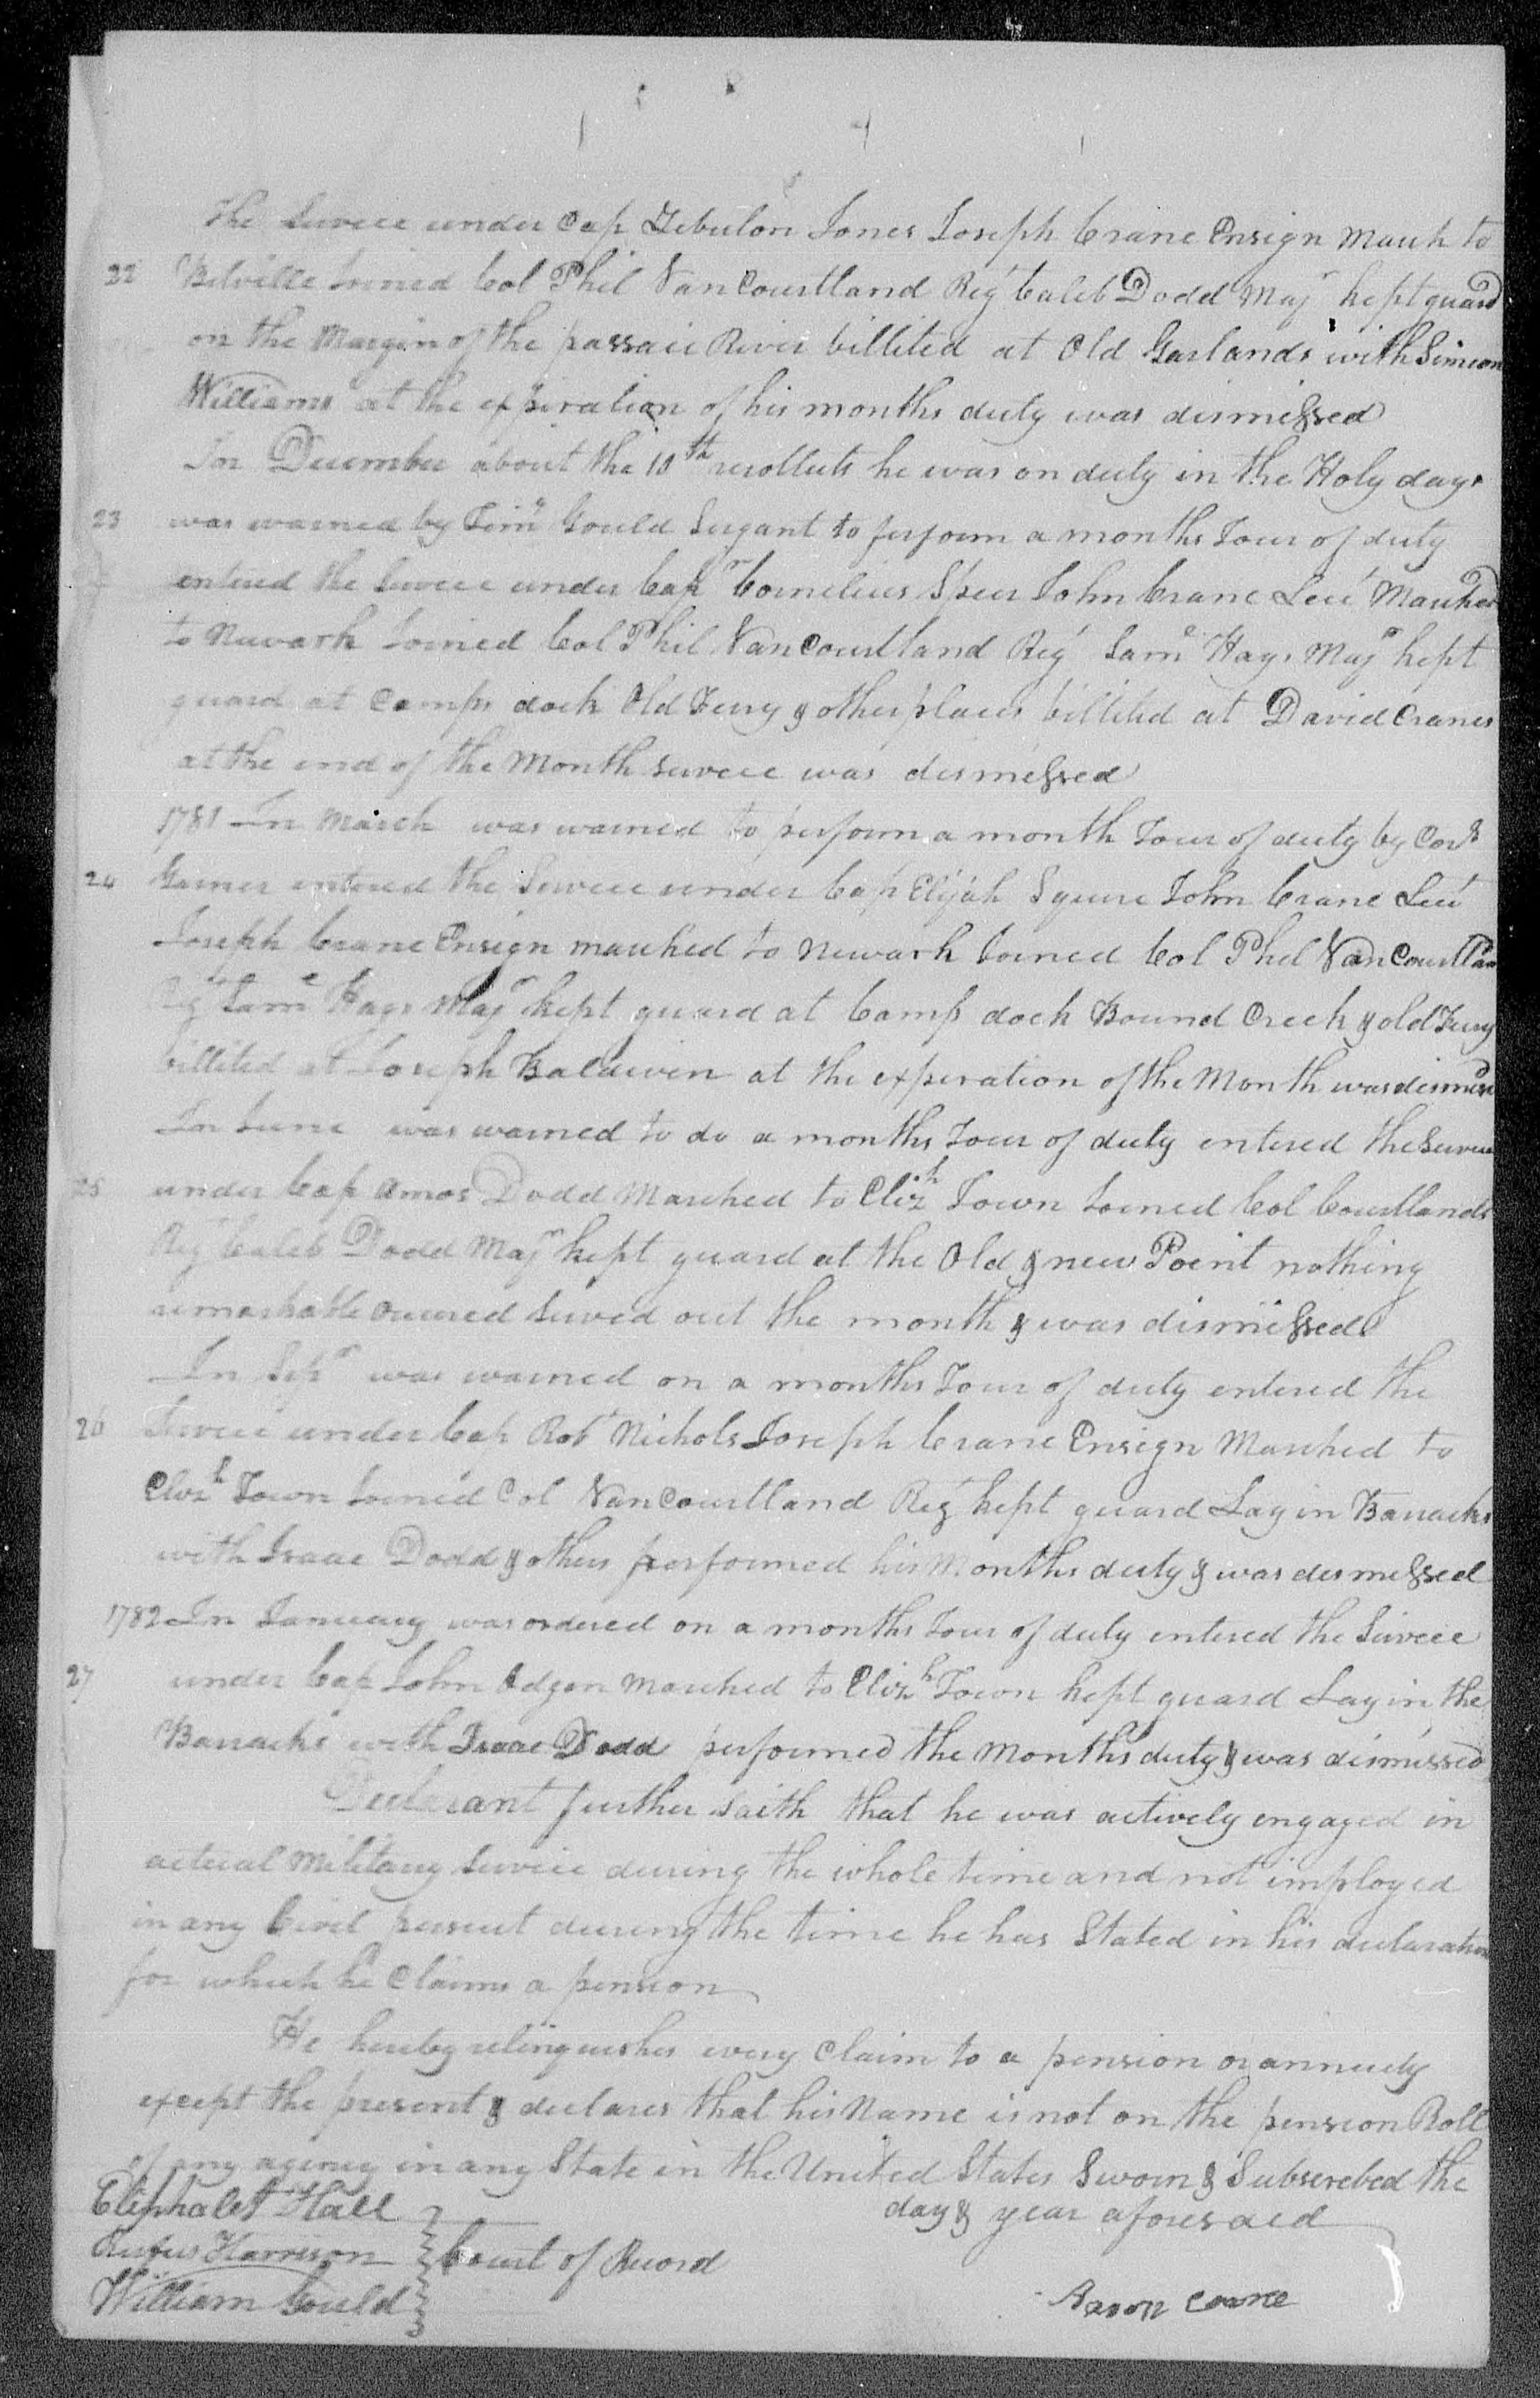.                                   The Service  under Cap Zebulon Jones  Joseph Crane Ensign March to

22                                 Bellvile joined Col Phil Van Courtland Regt Caleb Dodd maay kep guard

                                      on the margin of the Passaic River billited at Old Garlands with Simeon 
 
                                      Williams at the expiration of his months duty was dismissed.


                                       In December about the 10th recollects hew was ond duty in the Holy days

23                                   was warned by TIm Gould Sergant to perform a months Tour of Duty

                                        entered the service under Captn Corneius Speer John Crane Lieu marched

                                        to Newark joined Col Phil Van Courtland Regt Sam Hays, Maj kept

                                        guard at camp dock Old Ferry & the places billited at David Cranes

                                        at the end of the month service was dismissed.


                                         1781 in march was warned to perform a month the Tour of Duty by Cors

24                                    Garner entered the service under Cap Elijah Squire  John Crane Lieut

                                          Joseph Crane Ensigh marched ot Newark joined Col Phil Van Courtland

                                          by Sam Hays may kept guard at Camp dock Bound Creek & Old Ferry

                                          billeted at Josepy Baldwin at the expiration of the month was dismissed


                                          In June was warned to do a months Tour of Duty entered the service

25                                     under Cap Amos Dodd marched to Eliz Town joined Col Courtland

                                          Regt Caleb Dodd Majr kep guard at the Old new Point nothing

                                          remarkable ? served out the month was dismissed.

                                               
                                          In Sept was warned on a months Tour of Duty entered the

26                                     Service under Capt Robert Nichols  Joseph Cran Ensign marched to

                                          Elish Town joined Col Van Courtland Regt kept guard ? in Barrack

                                          with Isaac Dod & then performed him on the duty & I was dimmissed


                                         1782 In Jnnauary was orderd on a months Tour of Duty entered the Service

27                                    under Cap John Odgen marched to Eliz Town kept guard ? in the 

                                         Barrack with Isaac Dodd performed the months duty was dismissed


                                          Declarant further saith that the was actively engaged in

                                           actual military service duing the whole time and not employed

                                           in any civil pursuit during the time he as stated in his declaration

                                           for which he claims a pension.


                                            He hereby relinquishes every claim to a pension or annualy

                                            except the present & declares that his name is not on the Pension Roll

                                            of any agency in any State in the United States  Sworn & Subscribed the
                                              
                                             day and year aforesaid

                                             Eliphalet Hall                                                                  Aaron Crane

                                             Rufus Harrrison                    Court of Record

                                             William Gould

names: Joseph Crane, Simeon Williams, Saml Hays, John Crane, David Cranes, Cornelius Speer, Robt Nichols, Isaac Dodd, Corl Garner, Rufus Harrison, John Crane, Saml Hays, Amos Dodd, Joseph Crane, Caleb Dodd, Timy Gould, Caleb Dodd, Joseph Baldwin, William Gould, Isaac Dodd, Jones Joseph, Elijah Squire, Eliphalet Hall, Aaron Crane, John Edgen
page: 6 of 32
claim: rejected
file: R. 2441, Aaron Crane, New Jersey